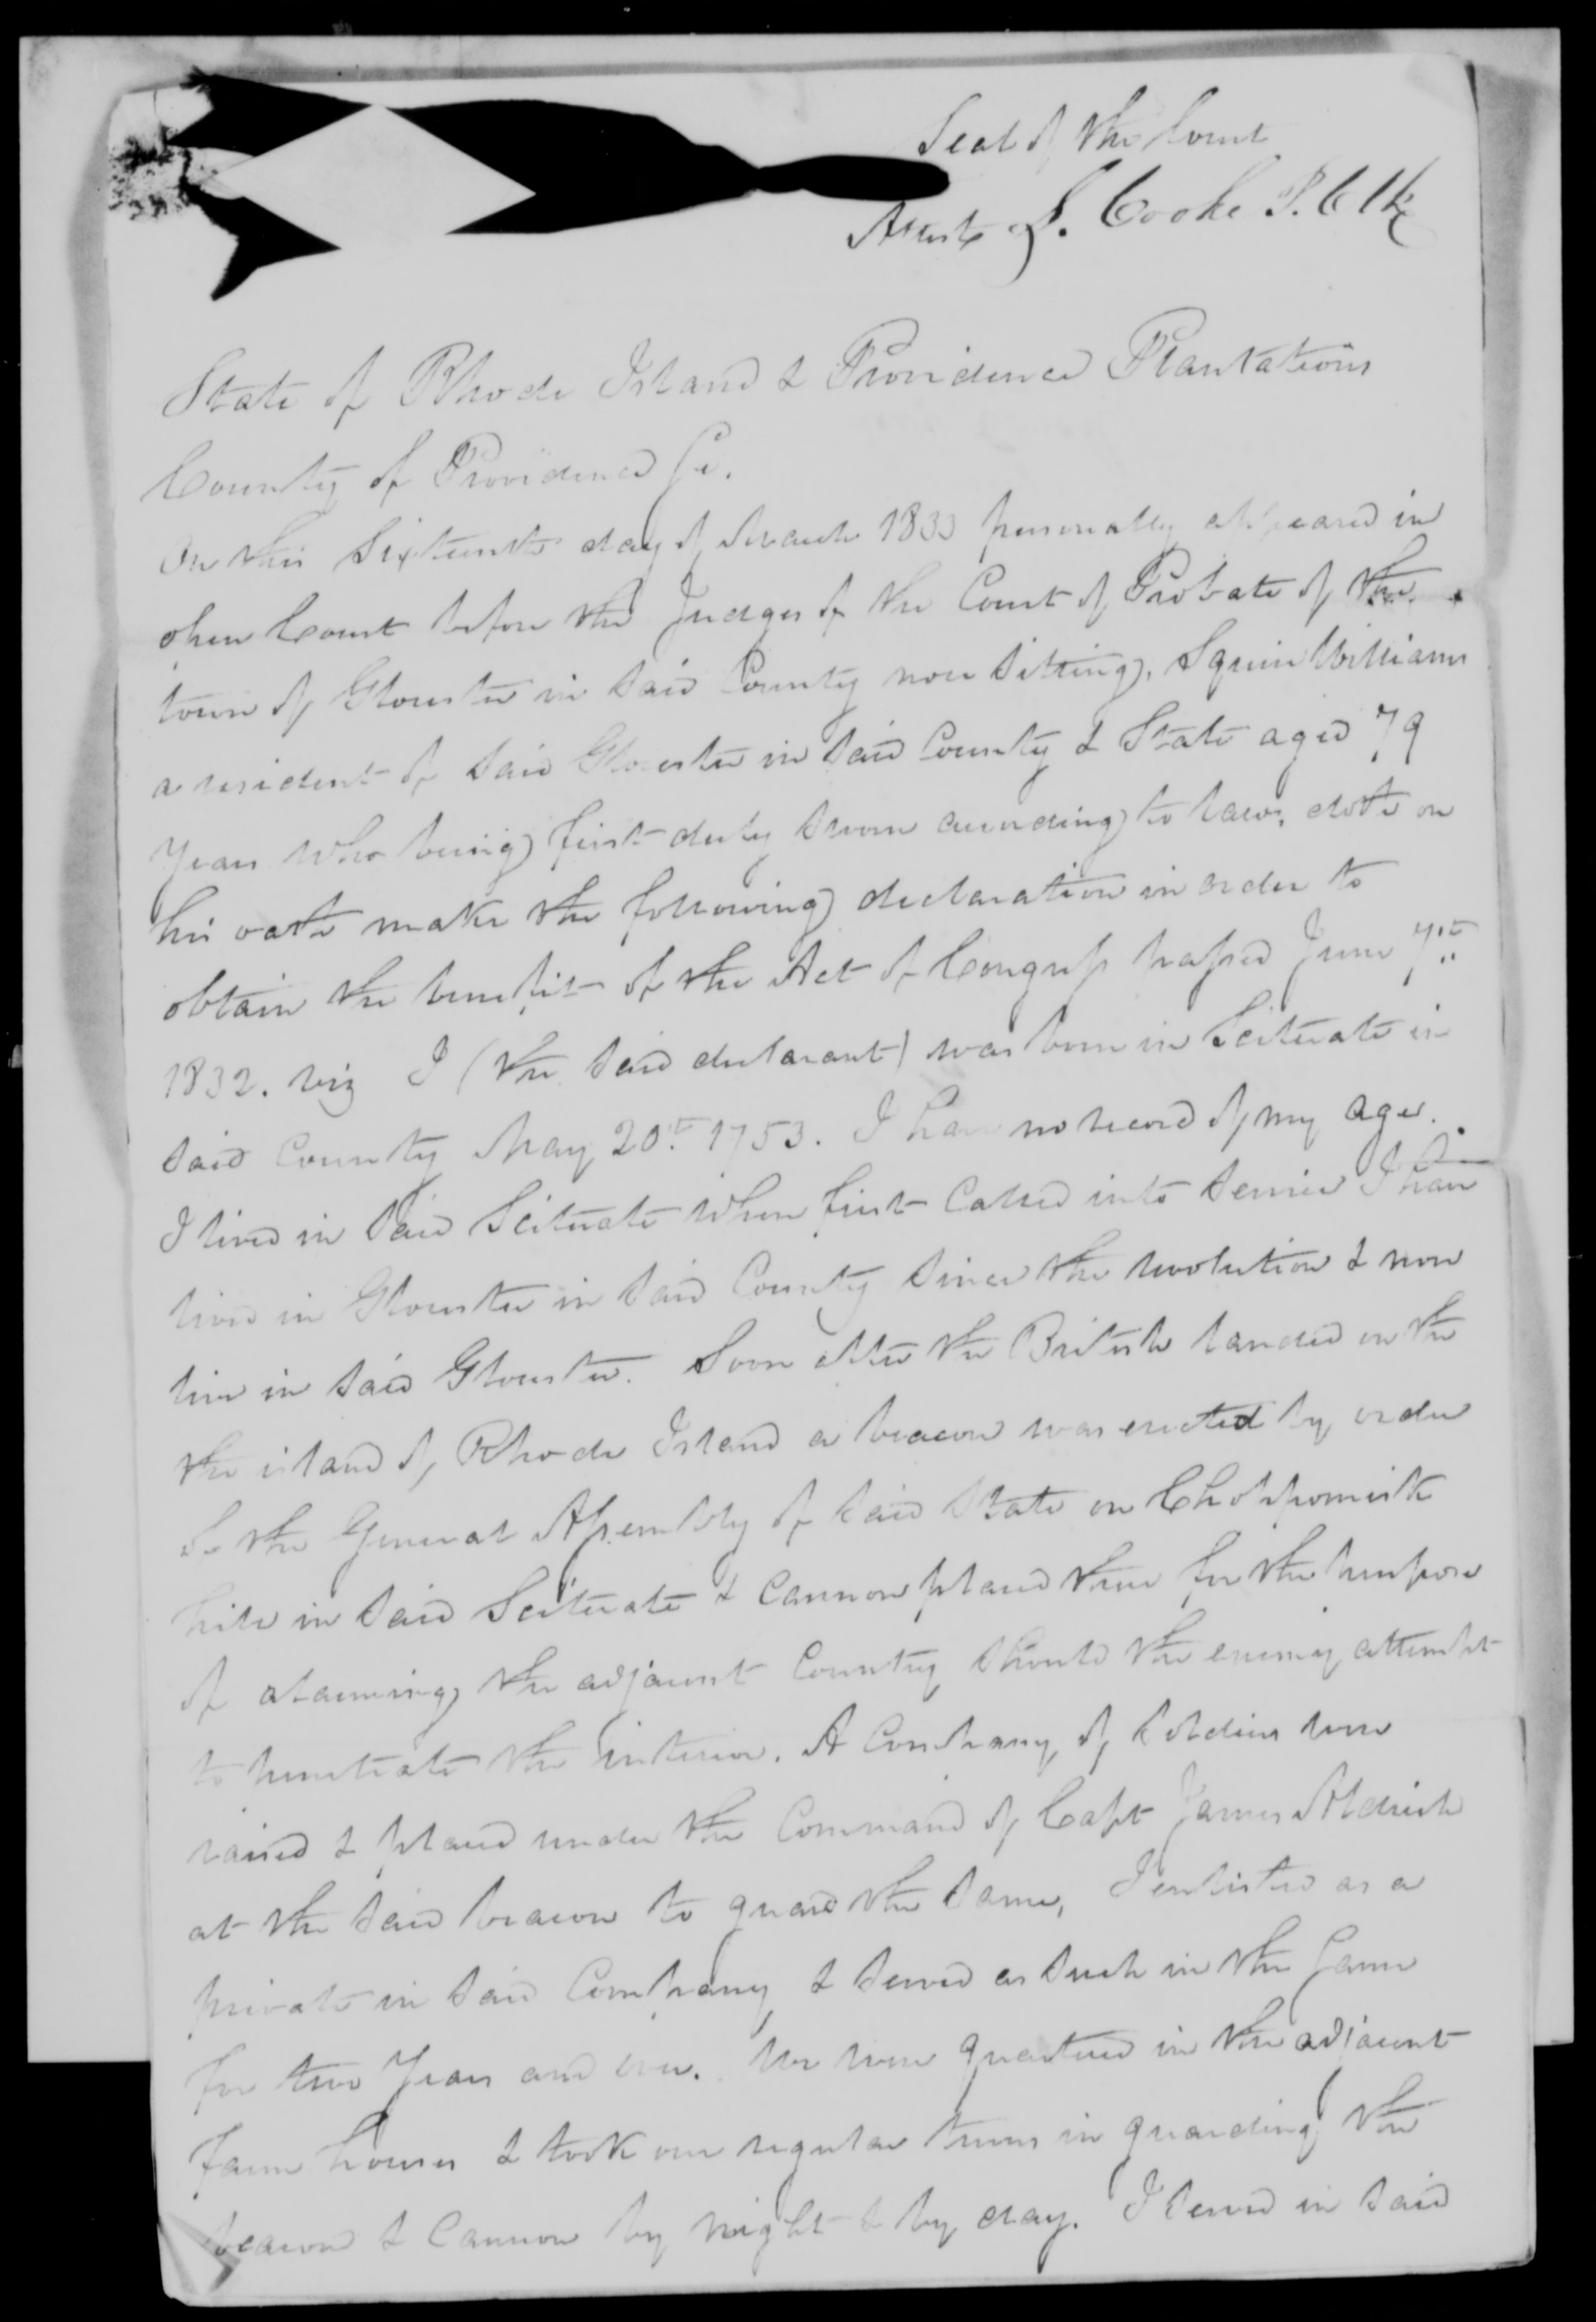Seal of the Court
Albert S. Cooke P. Clk
State of Rhode Island & Providence Plantations
County of Providence
On this sixteenth day of March 1833 personally appeared in open Court before the Judges of the Court of Probate of the
Town of Glouster in said County now sitting, Squire Williams a
resident of said Glocester in said County & State aged 79 who being first duly sworn according to law, doth on his oath make the following declaration in order to obtain the benefit of the Act of Congress passed June 7th
1832. viz (I the said declarant) was born in Scituate in said County May 20th 1753. I have no record of my age. I lived in said Scituate when first called into service I have
lived in Glouster in said County since the Revolution & now live in said Glouster.
Soon after the British landed in the
the island of Rhode Island a beacon was erected by order the General Assembly of said State on Choppomish hills in said Scituate & cannon placed them for the purpose
of alarming the adjacent County should the enemy attempt to infiltrate the interior. A company of soldiers were raised and placed under the command of Capt James Aldrich
at the said beacon to guard the same. I enlisted as a private in said Company & served as such in the same for two years and (illegible). We were quartered in the adjacent
farm house and took our regular turns in guarding the
beaon & cannon by night & by day. I served in said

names: James Aldrich, L Cooke, Squire Williams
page: 6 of 23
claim: survivor's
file: S. 21576, Squire Williams, R. I.